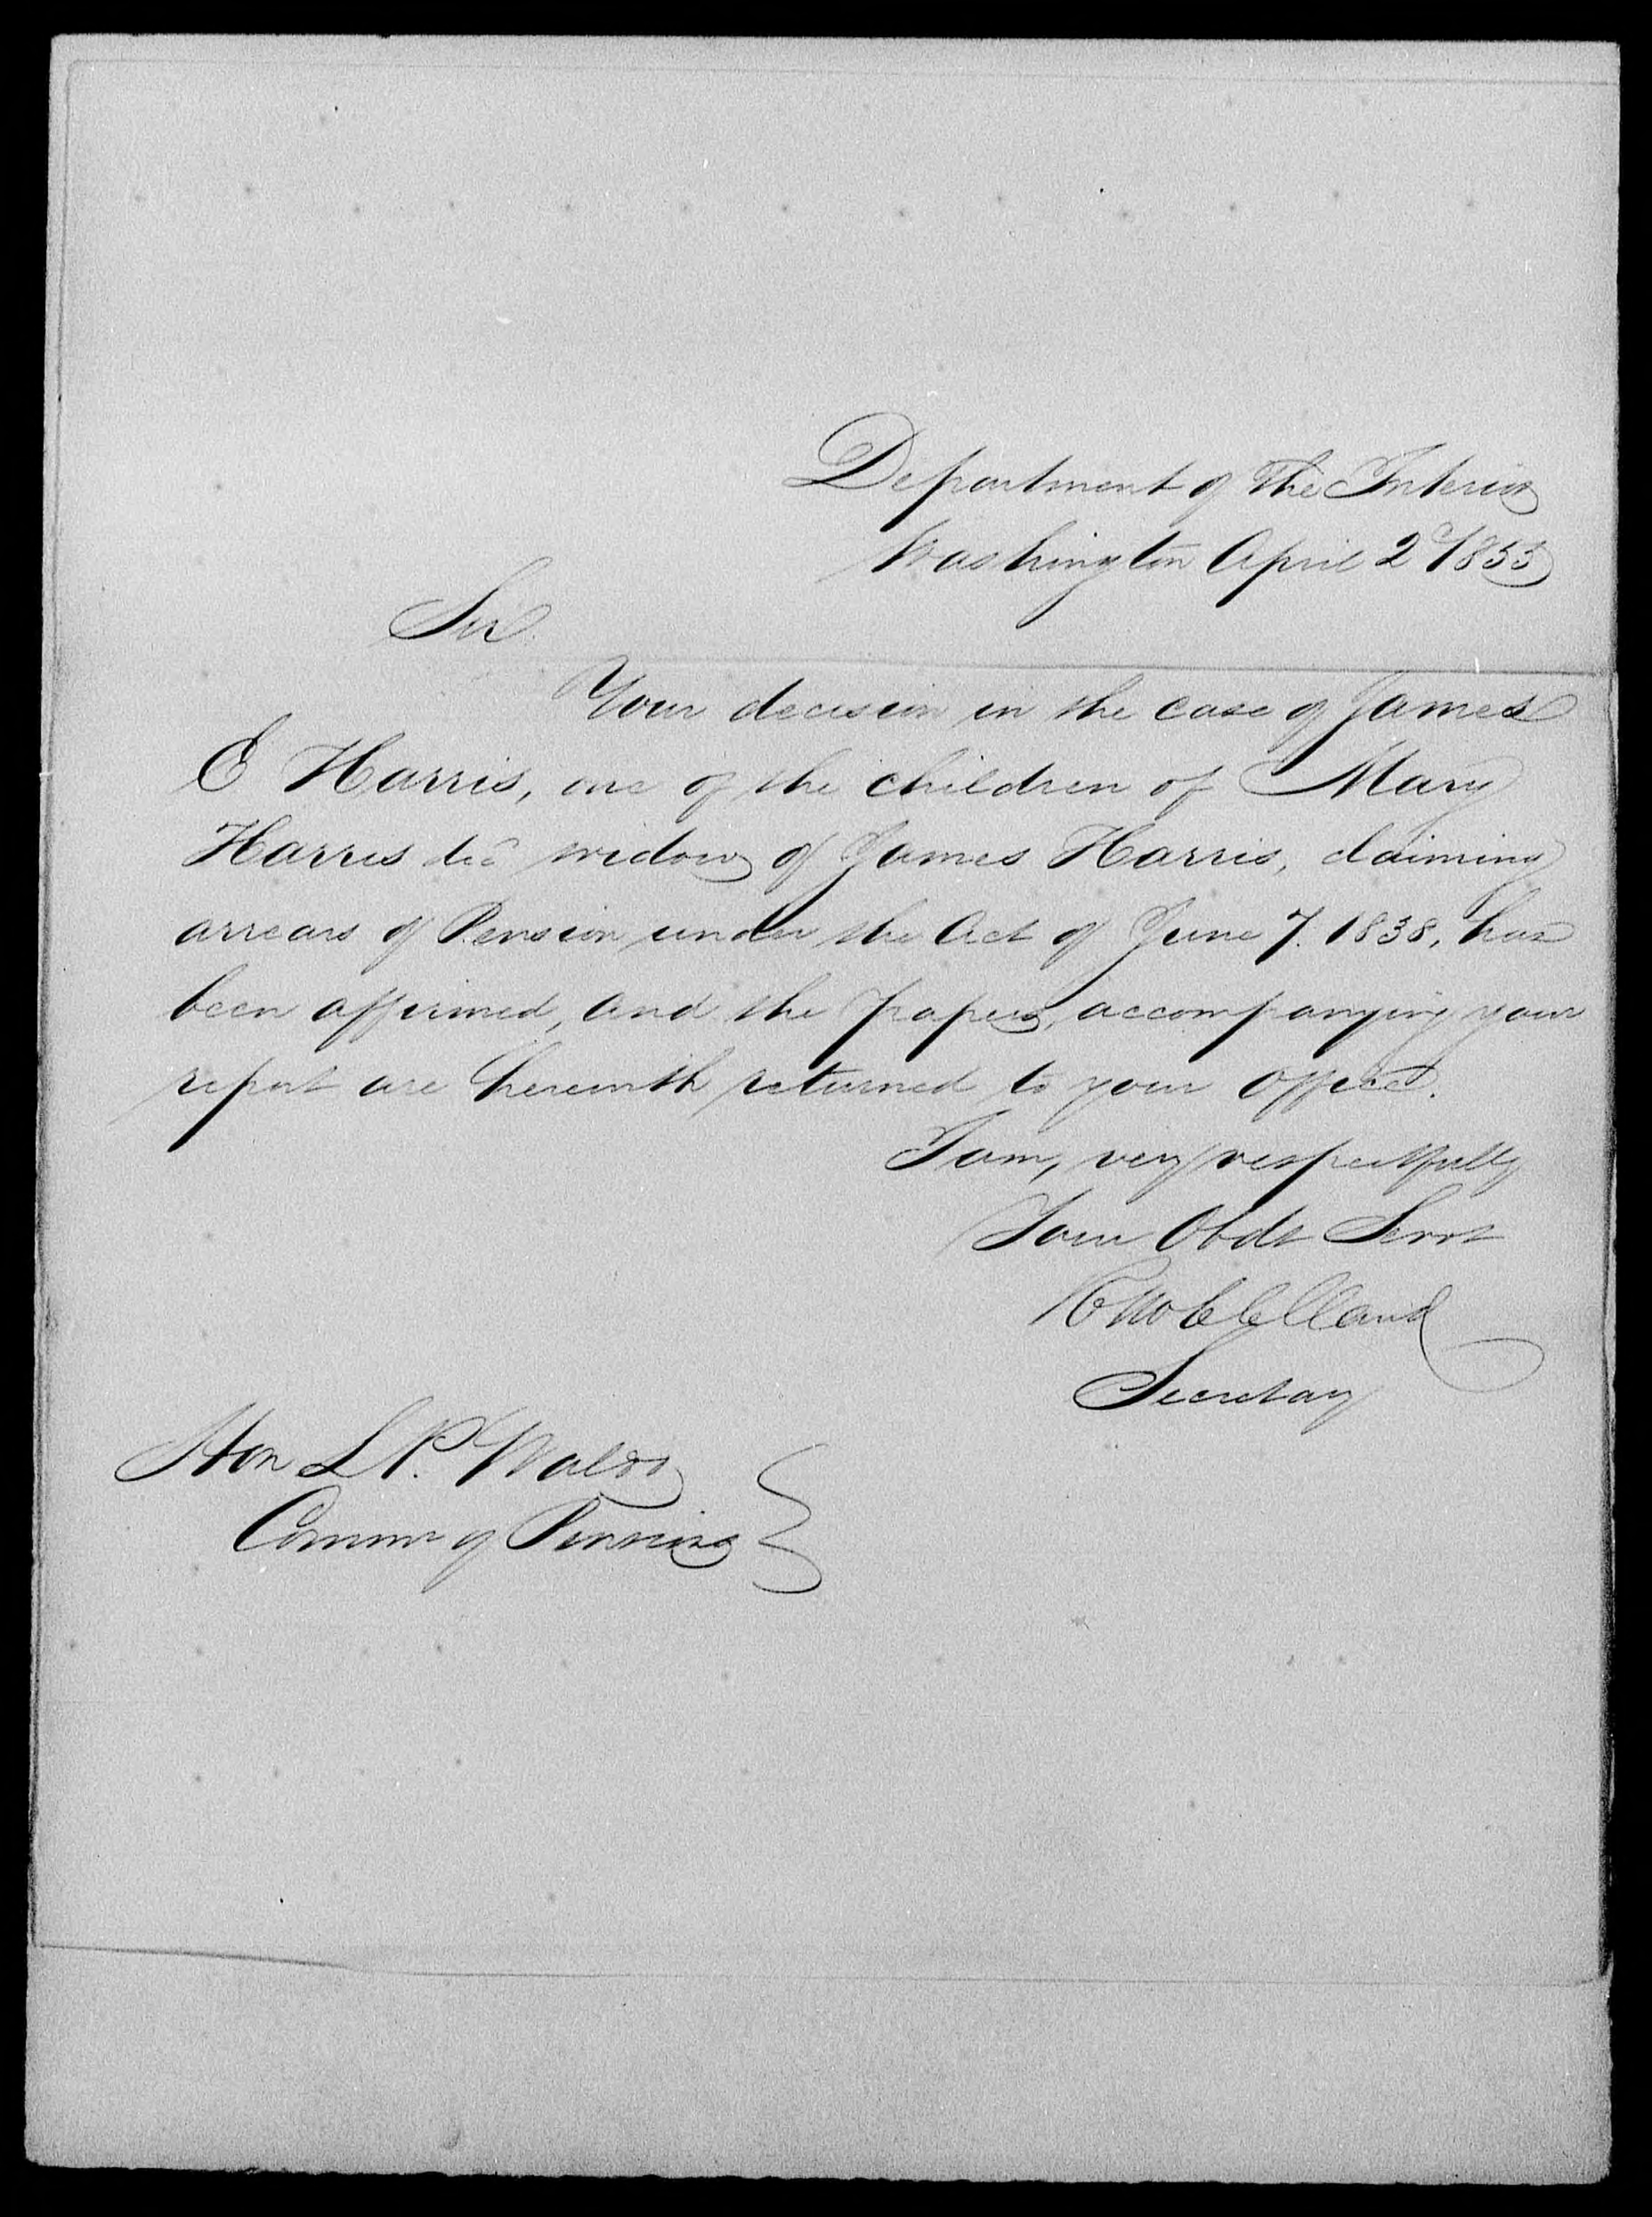Department of the Interior
Washington April 2 1855

Sir
   Your decision in the case of James C. Harris, one of the children of Mary Harris dcd widow of James Harris, claiming arrears of Pension under the Act of June 7, 1838, has been affirmed, and the papers accompanying your report are herewith returned to your office.
 
I am, very respectfully
Your Obdt Servt
R McClelland
Secretary

Hon. L. P. Waldo
Comms of Pensions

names: Mary Harris, James Harris, L P Waldo, R Mc Clelland, James E Harris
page: 42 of 160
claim: rejected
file: R. 4666, James Harris, Va.